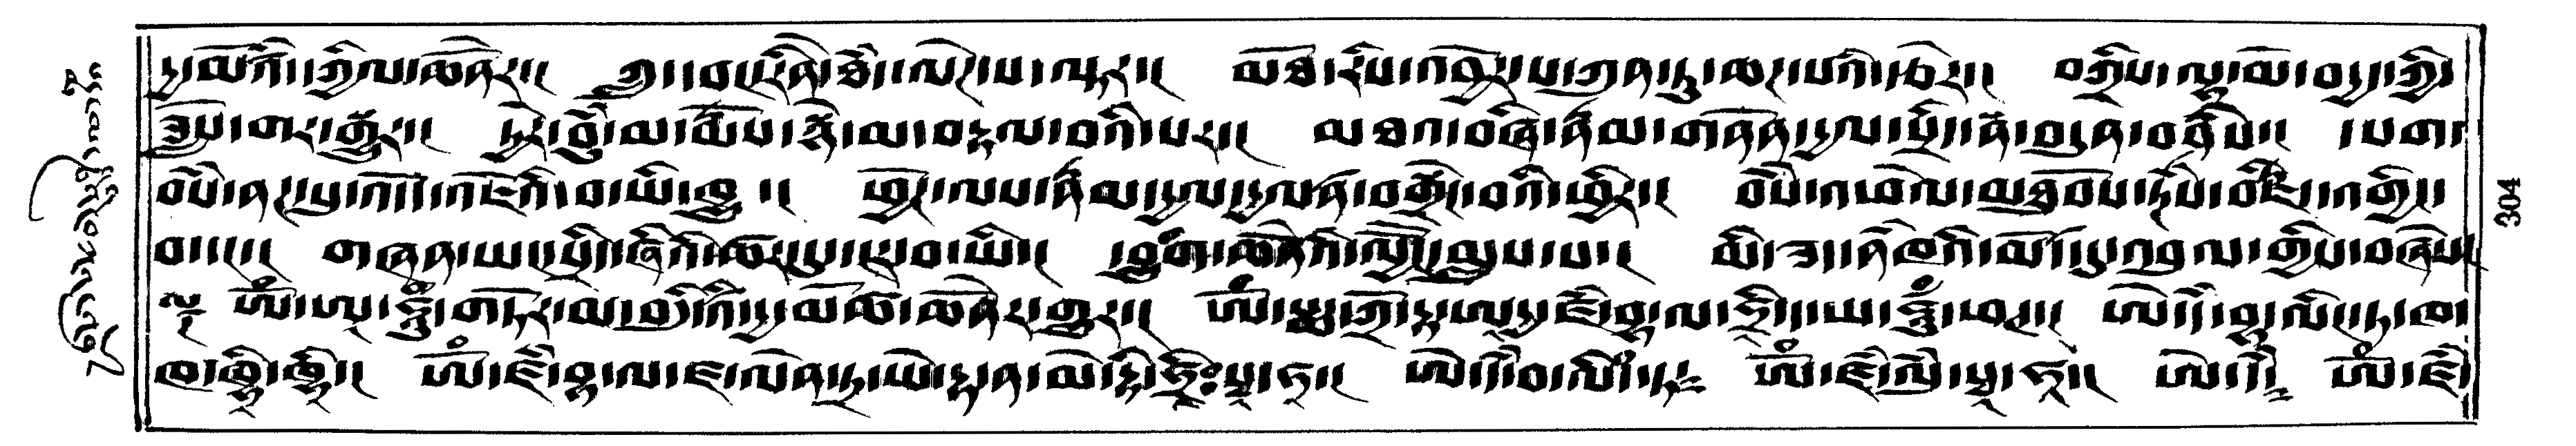རྒྱ་མཚོའི་དཀྱིལ་ཆེན་པོར། །ཀླུ་དབང་རིན་ཆེན་ཐམས་ཅད་ལེགས་པ་བསྟར། །མཐོ་རིས་འབྱོར་པ་ཀུན་ཏུ་ཆགས་པའི་རྩེར། །བཀྲ་ཤིས་ལྷ་མོ་བརྒྱད་ཀྱིས་
ཟློས་གར་སྒྱུར། །གཏེར་བུམ་མ་རྨོས་སྙེ་མ་བརྡལ་བའི་སར། མཐའ་བཞི་རྣམ་གནོན་རྒྱལ་སྲིད་སྣ་བདུན་བཤམས། །དཔག་
བསམ་ནགས་སུ་འདོད་འཇོའི་བ་ཡི་ཁྱུ། པྱོགས་ལས་རྣམ་རྒྱལ་རྒྱལ་མཚན་བསྒྲེང་བའི་ཕྱིར། །བསམ་འཕེལ་མཐུ་སྟོབས་རྔམས་བརྗིད་འགྱིང་
བ་དང་། །གཞན་ཡང་སྲིད་ཞིའི་ཚར་དུད་ངར་བ་ཡི། །དབང་ཕྱུག་ཆེན་པོའི་ལོངས་སྤྱོད་མ་ལུས་པ། །མི་ཟད་ནམ་མཁའི་མཛོད་དུ་འབུལ་གྱིས་བཞེས།།
 ༈ ཨོཾ་ཨཱ་ཧཱུཾ། གཏོར་མ་བདུད་རྩིའི་རྒྱ་མཚོ་ཆེན་པོར་གྱུར། ཨོཾ་པདྨ་ཀྲོ་དྷ་ཨརྻ་ཛམ་བྷ་ལ་ཧྲཱི་ད་ཡ་ཧཱུྃ་ཕཊ། ཨེ་དམ་བྷ་ལིང་ཏ་ཁ་ཁ་
ཁཱ་ཧི་ཁཱ་ཧི། ཨོཾ་ཛམ་བྷ་ལ་ཛ་ལེན་ཏྲ་ཡེ་དྷ་ན་མེ་དྷི་ཧྲཱིཿསྭ་ཧཱ། ཨེ་དམ་བ་ལིང་ཏ༴ ཨོཾ་ཛམ་ལུཾ་སྭ་ཧཱ། ཨེ་དམ༴ ཨོཾ་ཛམ་